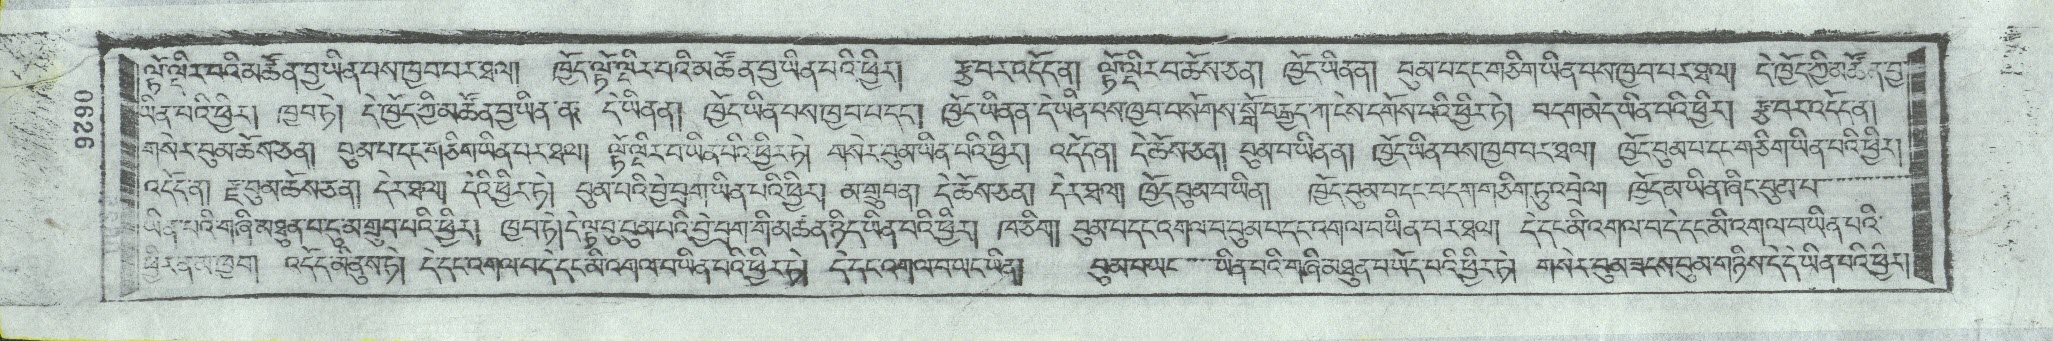ལྟོ་ལྡིར་བའི་མཚོན་བྱ་ཡིན་པས་ཁྱབ་པར་ཐལ། ཁྱོད་ལྟོ་ལྡིར་བའི་མཚོན་བྱ་ཡིན་པའི་ཕྱིར། རྩ་བར་འདོད་ན། ལྟོ་ལྡིར་བ་ཆོས་ཅན། ཁྱོད་ཡིན་ན། བུམ་པ་དང་གཅིག་ཡིན་པས་ཁྱབ་པར་ཐལ། དེ་ཁྱོད་ཀྱི་མཚོན་བྱ་
ཡིན་པའི་ཕྱིར། ཁྱབ་ཏེ། དེ་ཁྱོད་ཀྱི་མཚོན་བྱ་ཡིན་ན༑ དེ་ཡིན་ན། ཁྱོད་ཡིན་པས་ཁྱབ་པ་དང་། ཁྱོད་ཡིན་ན་དེ་ཡིན་པས་ཁྱབ་པ་སོགས་སྒོ་བརྒྱད་ཀ་ངེས་དགོས་པའི་ཕྱིར་ཏེ། བདག་མེད་ཡིན་པའི་ཕྱིར། རྩ་བར་འདོད་ན།
གསེར་བུམ་ཆོས་ཅན། བུམ་པ་དང་གཅིག་ཡིན་པར་ཐལ། ལྟོ་ལྡིར་བ་ཡིན་པའི་ཕྱིར་ཏེ། གསེར་བུམ་ཡིན་པའི་ཕྱིར། འདོད་ན། དེ་ཆོས་ཅན། བུམ་པ་ཡིན་ན། ཁྱོད་ཡིན་པས་ཁྱབ་པར་ཐལ། ཁྱོད་བུམ་པ་དང་གཅིག་ཡིན་པའི་ཕྱིར།
འདོད་ན། རྫ་བུམ་ཆོས་ཅན། དེར་ཐལ། དེའི་ཕྱིར་ཏེ། བུམ་པའི་བྱེ་བྲག་ཡིན་པའི་ཕྱིར། མ་གྲུབ་ན། དེ་ཆོས་ཅན། དེར་ཐལ། ཁྱོད་བུམ་པ་ཡིན། ཁྱོད་བུམ་པ་དང་བདག་གཅིག་ཏུ་འབྲེལ། ཁྱོད་མ་ཡིན་ཞིང་བུམ་པ་
ཡིན་པའི་གཞི་མཐུན་པ་དུ་མ་གྲུབ་པའི་ཕྱིར། ཁྱབ་ཏེ། དེ་ལྟ་བུ་བུམ་པའི་བྱེ་བྲག་གི་མཚན་ཉིད་ཡིན་པའི་ཕྱིར། ཁ་ཅིག། བུམ་པ་དང་འགལ་བ་བུམ་པ་དང་འགལ་བ་ཡིན་པར་ཐལ། དེ་དང་མི་འགལ་བ་དེ་དང་མི་འགལ་པ་ཡིན་པའི་
ཕྱིར་ན་མ་ཁྱབ། འདོད་མི་ནུས་ཏེ། དེ་དང་འགལ་བ་དེ་དང་མི་འགལ་བ་ཡིན་པའི་ཕྱིར་ཏེ། དེ་དང་འགལ་བ་ཡང་ཡིན། བུམ་པ་ཡང་ཡིན་པའི་གཞི་མཐུན་པ་ཡོད་པའི་ཕྱིར་ཏེ། གསེར་བུམ་ཟངས་བུམ་གཉིས་དེ་དེ་ཡིན་པའི་ཕྱིར།